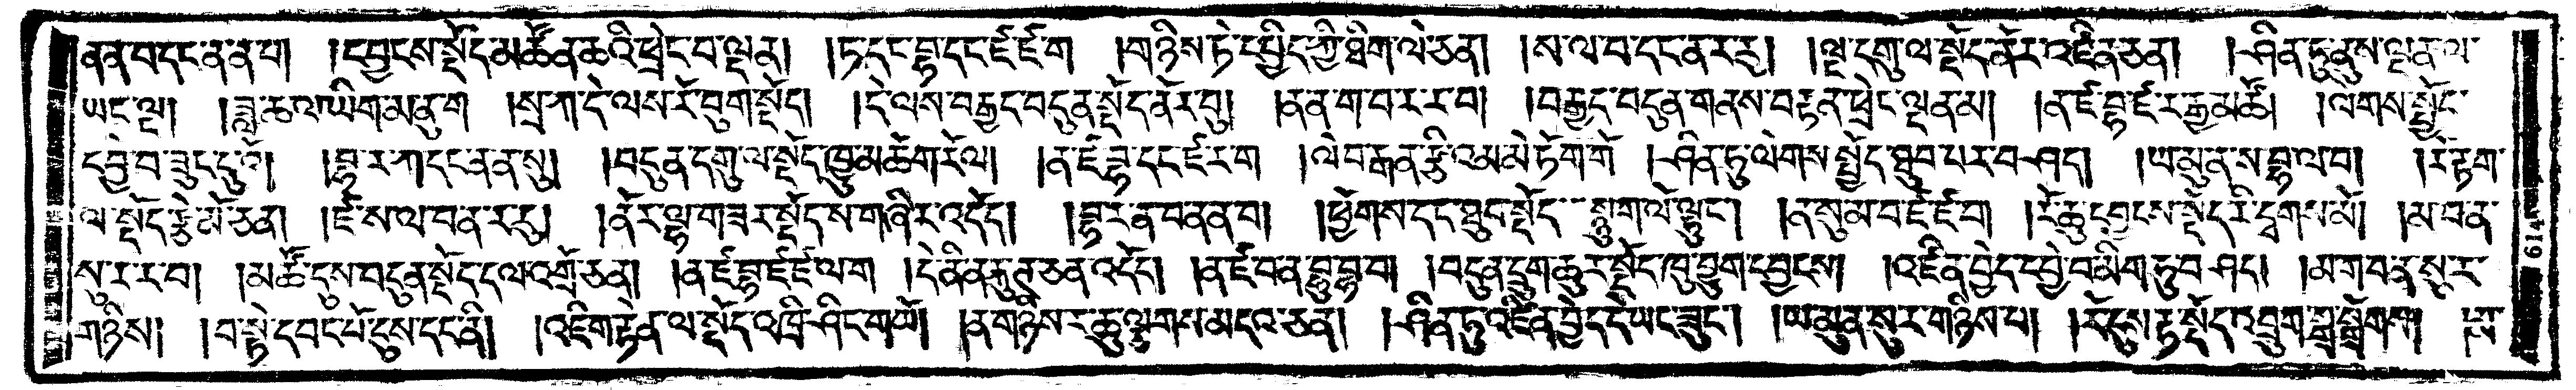ནན་པ་དང་ན་ན་པ། །དབྱངས་སྡོད་མཚོན་ཆའི་ཕྲེང་བ་ལྡན། །ཏ་དང་བྷ་དང་ཛ་ཛ་ག །གཉིས་ཏེ་དཔྱིད་ཀྱི་ཐིག་ལེ་ཅན། །ས་ལ་བ་དང་ན་ར་རུ། །ལྔ་དགུ་ལ་སྡོད་ནོར་འཛིན་ཅན། །ཤིན་ཏུ་ནུས་ལྡན་ལ་
ཡང་ལྔ། །ཟླ་ཆ་ལ་ཡིག་མ་ནུ་ག །སྲ་ཀ་དེ་ལས་རོ་བུག་སྡོད། །དེ་ལས་བརྒྱད་བདུན་སྡོད་ནོར་བུ། །ན་ན་ག་བ་ར་ར་བ། །བརྒྱད་བདུན་གནས་བརྟན་ཕྲེང་ལྡན་མ། །ན་ཛ་བྷ་ཛ་ར་རྒྱ་མཚོ། །ལེགས་སྤྱོད་
དབྱེ་བ་ཟུང་དུའོ། །བྷ་ར་ཀ་དང་ན་ན་སུ། །བདུན་དགུ་ལ་སྡོད་ཁྱུ་མཆོག་རོལ། །ན་ཛ་བྷ་དང་ཛ་ར་ག །ལེབ་རྒན་རྩི་འམ་མེ་ཏོག་གོ །ཤིན་ཏུ་ལེགས་སྤྱོད་ཐུབ་པར་བཤད། །ཡ་མུན་ས་བྷ་ལ་བ། །རོ་རྟག་
ལ་སྡོད་རྩེ་མོ་ཅན། །ཛ་ས་ལ་བ་ན་ར་རུ། །ནོར་ལྷ་གཟར་སྡོད་ས་གཞིར་འདོད། །བྷ་ར་ན་བ་ན་ན་བ། །ཕྱོགས་དང་ཐུབ་སྡོད་སྙུག་ལོ་ལྟུང་། །ན་སུམ་བ་ཛ་ཛ་བ། །རོ་ཆུ་དབྱངས་སྡོད་རི་དྭགས་མོ། །མ་བ་ན་
སུ་ར་ར་བ། །མཚོ་དུས་བདུན་སྡོད་དལ་འགྲོ་ཅན། །ན་ཛ་བྷ་ཛ་ཛ་ལག། །དེ་ནི་ན་རྐུ་ཊ་ཅན་འདོང་། །ན་ཛ་བ་ན་བྷུ་བྷ་བ། །བདུན་དྲུག་ཆུར་སྡོད་ཁུ་བྱུག་དབྱངས། །འཛིན་བྱེད་དབྱེ་བ་མི་ཏུ་བཤད། །བ་ག་བ་ན་སུ་ར་
གཉིས། །བསྟེ་དབང་པོ་དུས་དང་ནི། །འཇིག་རྟེན་ལ་སྡོད་འཁྲི་ཤིང་གཡོ། །ན་གཉིས་ར་ཆུ་ལྕགས་མདའ་ཅན། །ཤིན་ཏུ་འཛིན་བྱེད་དེ་ཡང་ཟུང་། །ཡ་མུན་སུར་གཉིས་པ། །རོ་དུས་རྟ་སྡོད་འབྲུག་སྒྲ་སྒྲོགས། །མ་